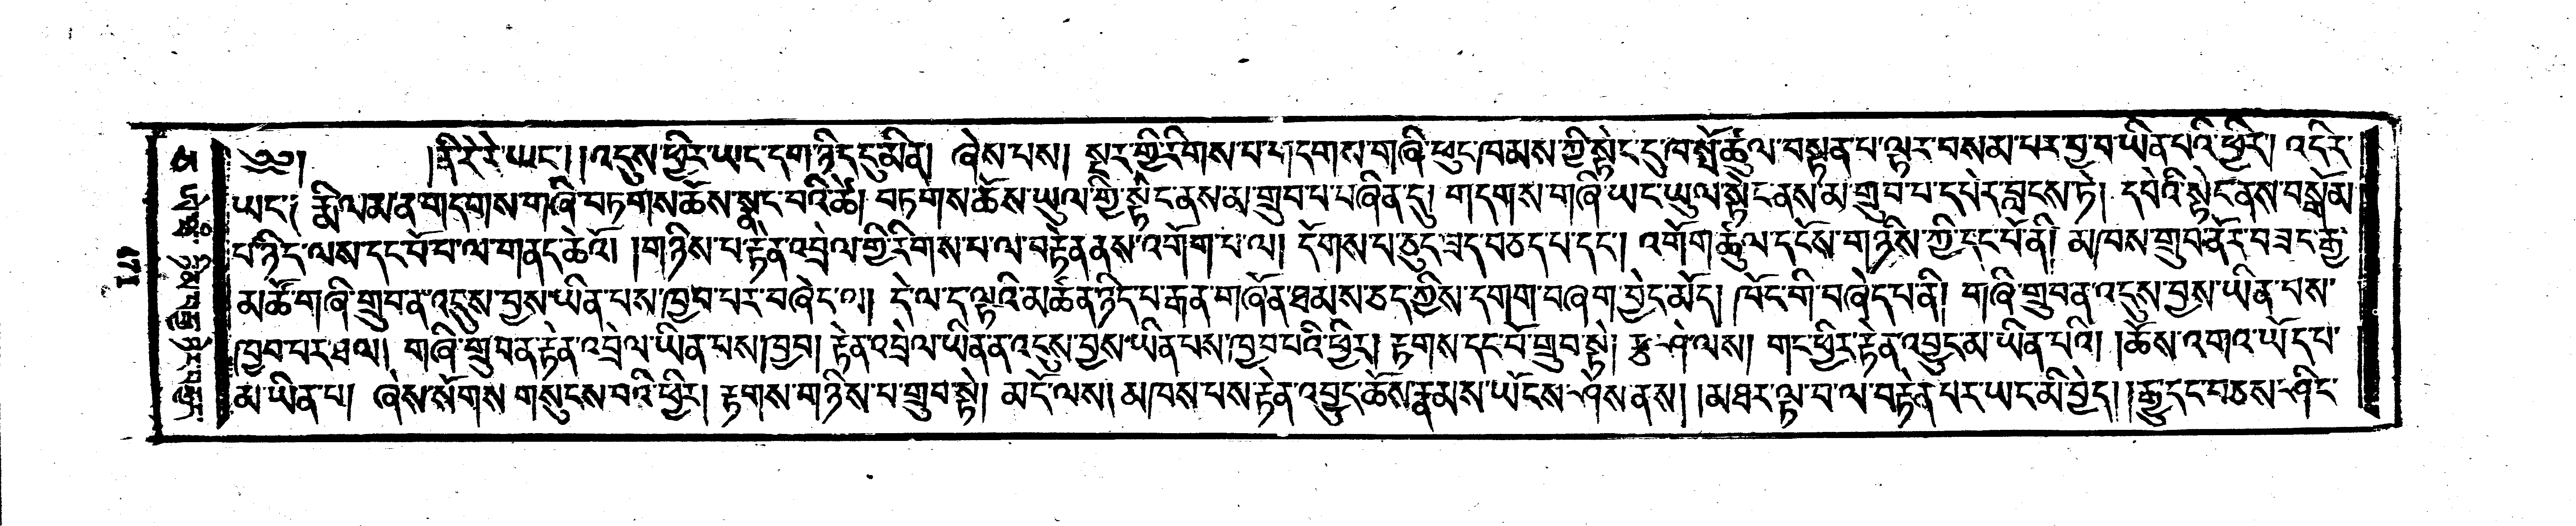༄༅། །ནི་རེ་རེ་ཡང་། །འདུས་ཕྱིར་ཡང་དག་ཉིད་དུ་མིན། ཞེས་པས། སྔར་གྱི་རིགས་པ་གདགས་གཞི་ཕུང་ཁམས་ཀྱི་སྟེང་དུ་ཁ་སྤོ་ཚུལ་བསྟན་པ་ལྟར་བསམ་པར་བྱ་བ་ཡིན་པའི་ཕྱིར། འདིར་
ཡང་། རྨི་ལམ་ན་གདགས་གཞི་བཏགས་ཆོས་སྣང་བའི་ཚེ། བཏགས་ཆོས་ཡུལ་གྱི་སྟེང་ནས་མ་གྲུབ་པ་བཞིན་དུ། གདགས་གཞི་ཡང་ཡུལ་སྟེང་ནས་མ་གྲུབ་པ་དཔེར་བླངས་ཏེ། དཔེའི་སྟེང་ནས་བསྒོམ་
པ་ཉིད་ལས་དང་པོ་པ་ལ་གནད་ཆེའོ། །གཉིས་པ་རྟེན་འབྲེལ་གྱི་རིགས་པ་ལ་བརྟེན་ནས་འགོག་པ་ལ། དོགས་པ་ཅུང་ཟད་བཅད་པ་དང་། འགོག་ཚུལ་དངོས་གཉིས་ཀྱི་དང་པོ་ནི། མཁས་གྲུབ་ནོར་བཟང་རྒྱ་
མཚོ་གཞི་གྲུབ་ན་འདུས་བྱས་ཡིན་པས་ཁྱབ་པར་བཞེད་ལ། དེ་ལ་ད་ལྟའི་མཚན་ཉིད་པ་རྒན་གཞོན་ཐམས་ཅད་ཀྱིས་དགག་བཞག་བྱེད་མོད། ཁོང་གི་བཞེད་པ་ནི། གཞི་གྲུབ་ན་འདུས་བྱས་ཡིན་པས་
ཁྱབ་པར་ཐལ། གཞི་གྲུབ་ན་རྟེན་འབྲེལ་ཡིན་པས་ཁྱབ། རྟེན་འབྲེལ་ཡིན་ན་འདུས་བྱས་ཡིན་པས་ཁྱབ་པའི་ཕྱིར། རྟགས་དང་པོ་གྲུབ་སྟེ། རྩ་ཤེ་ལས། གང་ཕྱིར་རྟེན་འབྱུང་མ་ཡིན་པའི། །ཆོས་འགའ་ཡོད་པ་
མ་ཡིན་པ། ཞེས་སོགས་གསུངས་པའི་ཕྱིར། རྟགས་གཉིས་པ་གྲུབ་སྟེ། མདོ་ལས། མཁས་པས་རྟེན་འབྱུང་ཆོས་རྣམས་ཡོངས་ཤེས་ནས། །མཐར་ལྟ་བ་ལ་བརྟེན་པར་ཡང་མི་བྱེད། །རྒྱུ་དང་བཅས་ཤིང་